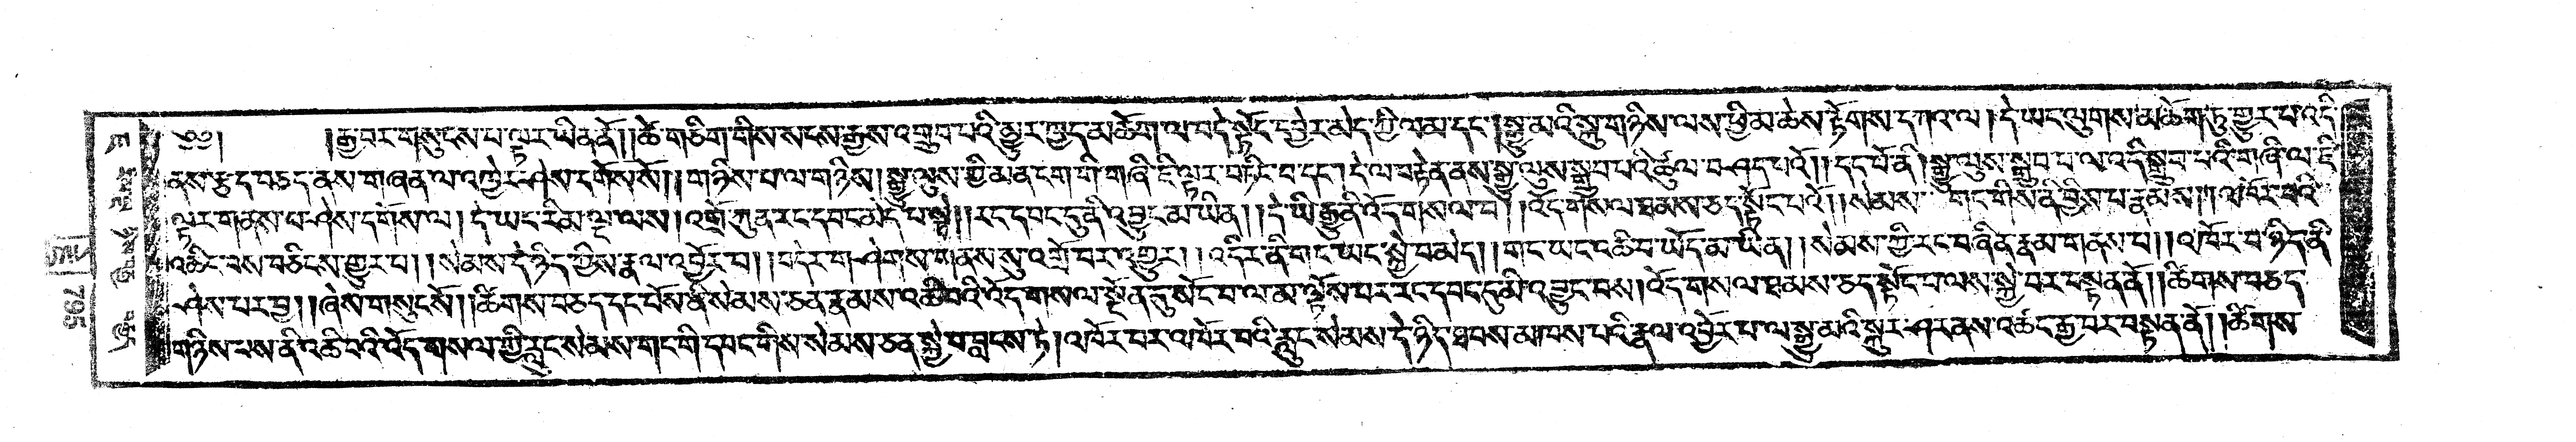༄༅། །རྒྱ་བར་གསུངས་པ་ལྟར་ཡིན་ནོ། །ཚེ་གཅིག་གིས་སངས་རྒྱས་འགྲུབ་པའི་མྱུར་ཁྱད་མཆོག་ལ་བདེ་སྟོང་དབྱེར་མེད་ཀྱི་ལམ་དང་། སྒྱུ་མའི་སྐུ་གཉིས་ལས་ཕྱི་མ་ཆེས་རྟོགས་དཀའ་ལ། དེ་ཡང་ལུགས་མཆོག་ཏུ་གྱུར་པ་འདི་
ནས་རྩེད་བཅད་ནས་གཞན་ལ་འཁྱེར་ཤེས་དགོས་སོ། །གཉིས་པ་ལ་གཉིས། སྒྱུ་ལུས་ཀྱི་མན་ངག་གི་གཞི་ཇི་ལྟར་བཏིང་བ་དང་། དེ་ལ་བརྟེན་ནས་སྒྱུ་ལུས་སྒྲུབ་པའི་ཚུལ་བཤད་པའོ། །དང་པོ་ནི། སྒྱུ་ལུས་སྒྲུབ་པ་ལ་འདི་སྒྲུབ་པའི་གཞི་ལ་ཇི་
ལྟར་གནས་པ་ཤེས་དགོས་ལ། དེ་ཡང་རིམ་ལྔ་ལས། འགྲོ་ཀུན་རང་དབང་མེད་པ་སྟེ། །རང་དབང་དུ་ནི་འབྱུང་མ་ཡིན། །དེ་ཡི་རྒྱུ་ནི་འོད་གསལ་བ། །འོད་གསལ་ཐམས་ཅད་སྟོང་པའོ། །སེམས་གང་གིས་ནི་བྱིས་པ་རྣམས། །འཁོར་བའི་
འཆིང་བས་བཅིངས་གྱུར་པ། །སེམས་དེ་ཉིད་ཀྱིས་རྣལ་འབྱོར་པ། །བདེར་གཤེགས་གནས་སུ་འགྲོ་བར་འགྱུར། །འདིར་ནི་གང་ཡང་སྐྱེ་བ་མེད། །གང་ཡང་འཆི་བ་ཡོད་མ་ཡིན། །སེམས་ཀྱི་རང་བཞིན་རྣམ་གནས་པ། །འཁོར་བ་ཉིད་ནི་
ཤེས་པར་བྱ། །ཞེས་གསུངས་སོ། །ཚིགས་བཅད་དང་པོས་ནི་སེམས་ཅན་རྣམས་འཆི་བའི་འོད་གསལ་སྔོན་དུ་སོང་བ་ལ་མ་ལྟོས་པར་རང་དབང་དུ་མི་འབྱུང་བས། འོད་གསལ་ཐམས་ཅད་སྟོང་པ་ལས་སྐྱེ་བར་བསྟན་ནོ། །ཚིགས་བཅད་
གཉིས་པས་ནི་འཆི་བའི་འོད་གསལ་གྱི་རླུང་སེམས་གང་གི་དབང་གིས་སེམས་ཅན་སྐྱེ་བ་བླངས་ཏེ། འཁོར་བར་འཁོར་བའི་རླུང་སེམས་དེ་ཉིད་ཐབས་མཁས་པའི་རྣལ་འབྱོར་པ་ལ་སྒྱུ་མའི་སྐུར་ཤར་ནས་འཚང་རྒྱ་བར་བསྟན་ནོ། །ཚིགས་